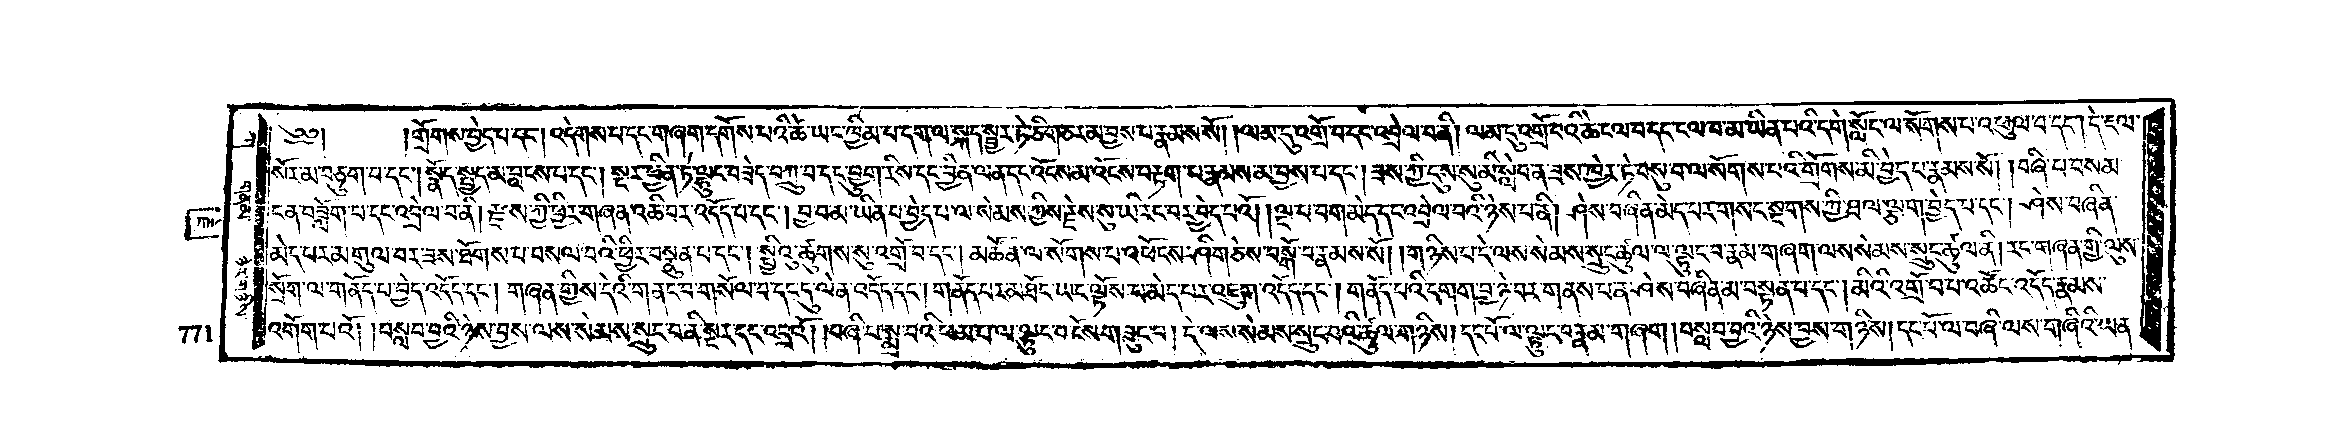༄༅། །གྲོགས་བྱེད་པ་དང་། འདེགས་པ་དང་གཞག་དགོས་པའི་ཚེ་ཡང་ཁྱིམ་པ་དག་ལ་སྐད་སྦྱར་ཏེ་ཅིག་ཅར་མ་བྱས་པ་རྣམས་སོ། །ལམ་དུ་འགྲོ་བ་དང་འབྲེལ་བ་ནི། ལམ་དུ་འགྲོ་བའི་ཆེ་ངལ་བ་དང་ངལ་བ་མ་ཡིན་པའི་དགེ་སློང་ལ་སོགས་པ་འཕུལ་བ་དང་། དེ་ཇལ་
སོར་མ་བཅུག་པ་དང་། སྣོད་སྤྱད་མ་བླངས་པ་དང་། སྔར་ཕྱིན་ཏེ་ལྷུང་བཟེད་བཀྲུ་བ་དང་བྱུག་རིས་དང་བྱིན་ལན་དང་འོངས་མ་འོངས་བརྟག་པ་རྣམས་མ་བྱས་པ་དང་། ཟས་ཀྱི་དུས་སུ་མི་སླེབ་ན་ཟས་ཁྱེར་ཏེ་བསུ་བ་ལ་སོགས་པའི་གྲོགས་མི་བྱེད་པ་རྣམས་སོ། །བཞི་པ་བསམ་
ངན་བཟློག་པ་དང་འབྲེལ་བ་ནི། རྫས་ཀྱི་ཕྱིར་གཞན་འཆི་བར་འདོད་པ་དང་། བྱ་བ་མ་ཡིན་པ་བྱེད་པ་ལ་སེམས་ཀྱིས་རྗེས་སུ་ཡི་རང་བར་བྱེད་པའོ། །ལྔ་པ་བག་མེད་དང་འབྲེལ་བའི་ཉེས་པ་ནི། ཤེས་བཞིན་མེད་པར་གསང་སྔགས་ཀྱི་ཐལ་ལྕག་བྱེད་པ་དང་། ཤེས་བཞིན་
མེད་པར་མགུལ་བར་ཟས་ཐོགས་པ་བསལ་བའི་ཕྱིར་བསྣུན་པ་དང་། སྤྱིའུ་ཚུགས་སུ་འགྲོ་བ་དང་། མཚོན་ལ་སོགས་པ་འཕོངས་ཤིག་ཅེས་བསྒོ་བ་རྣམས་སོ། །གཉིས་པ་དེ་ལས་སེམས་སྲུང་ཚུལ་ལ་ལྟུང་བ་རྣམ་གཞག་ལས་སེམས་སྲུང་ཚུལ་ནི། རང་གཞན་གྱི་ལུས་
སྲོག་ལ་གནོད་པ་བྱེད་འདོད་དང་། གཞན་གྱིས་དེའི་གནང་བ་གསོལ་བ་དང་དུ་ལེན་འདོད་དང་། གནོད་པར་མཐོང་ཡང་ལྟོས་པ་མེད་པར་འཇུག་འདོད་དང་། གནོད་པའི་དགག་བྱ་ཉེ་བར་གནས་པ་ན་ཤེས་བཞིན་མ་བསྟན་པ་དང་། མིའི་འགྲོ་བ་པ་འཚོང་འདོད་རྣམས་
འགོག་པའོ། །བསླབ་བྱའི་ཉེས་བྱས་ལས་སེམས་སྲུང་བ་ནི་སྔར་དང་འདྲའོ། །བཞི་པ་སྨྲ་བའི་ཕམ་པ་ལ་ལྟུང་བ་ངོས་གཟུང་བ། དེ་ལས་སེམས་སྲུང་བའི་ཚུལ་གཉིས། དང་པོ་ལ་ལྟུང་བ་རྣམ་གཞག །བསླབ་བྱའི་ཉེས་བྱས་གཉིས། དང་པོ་ལ་བཞི་ལས་གཞིའི་ཡན་